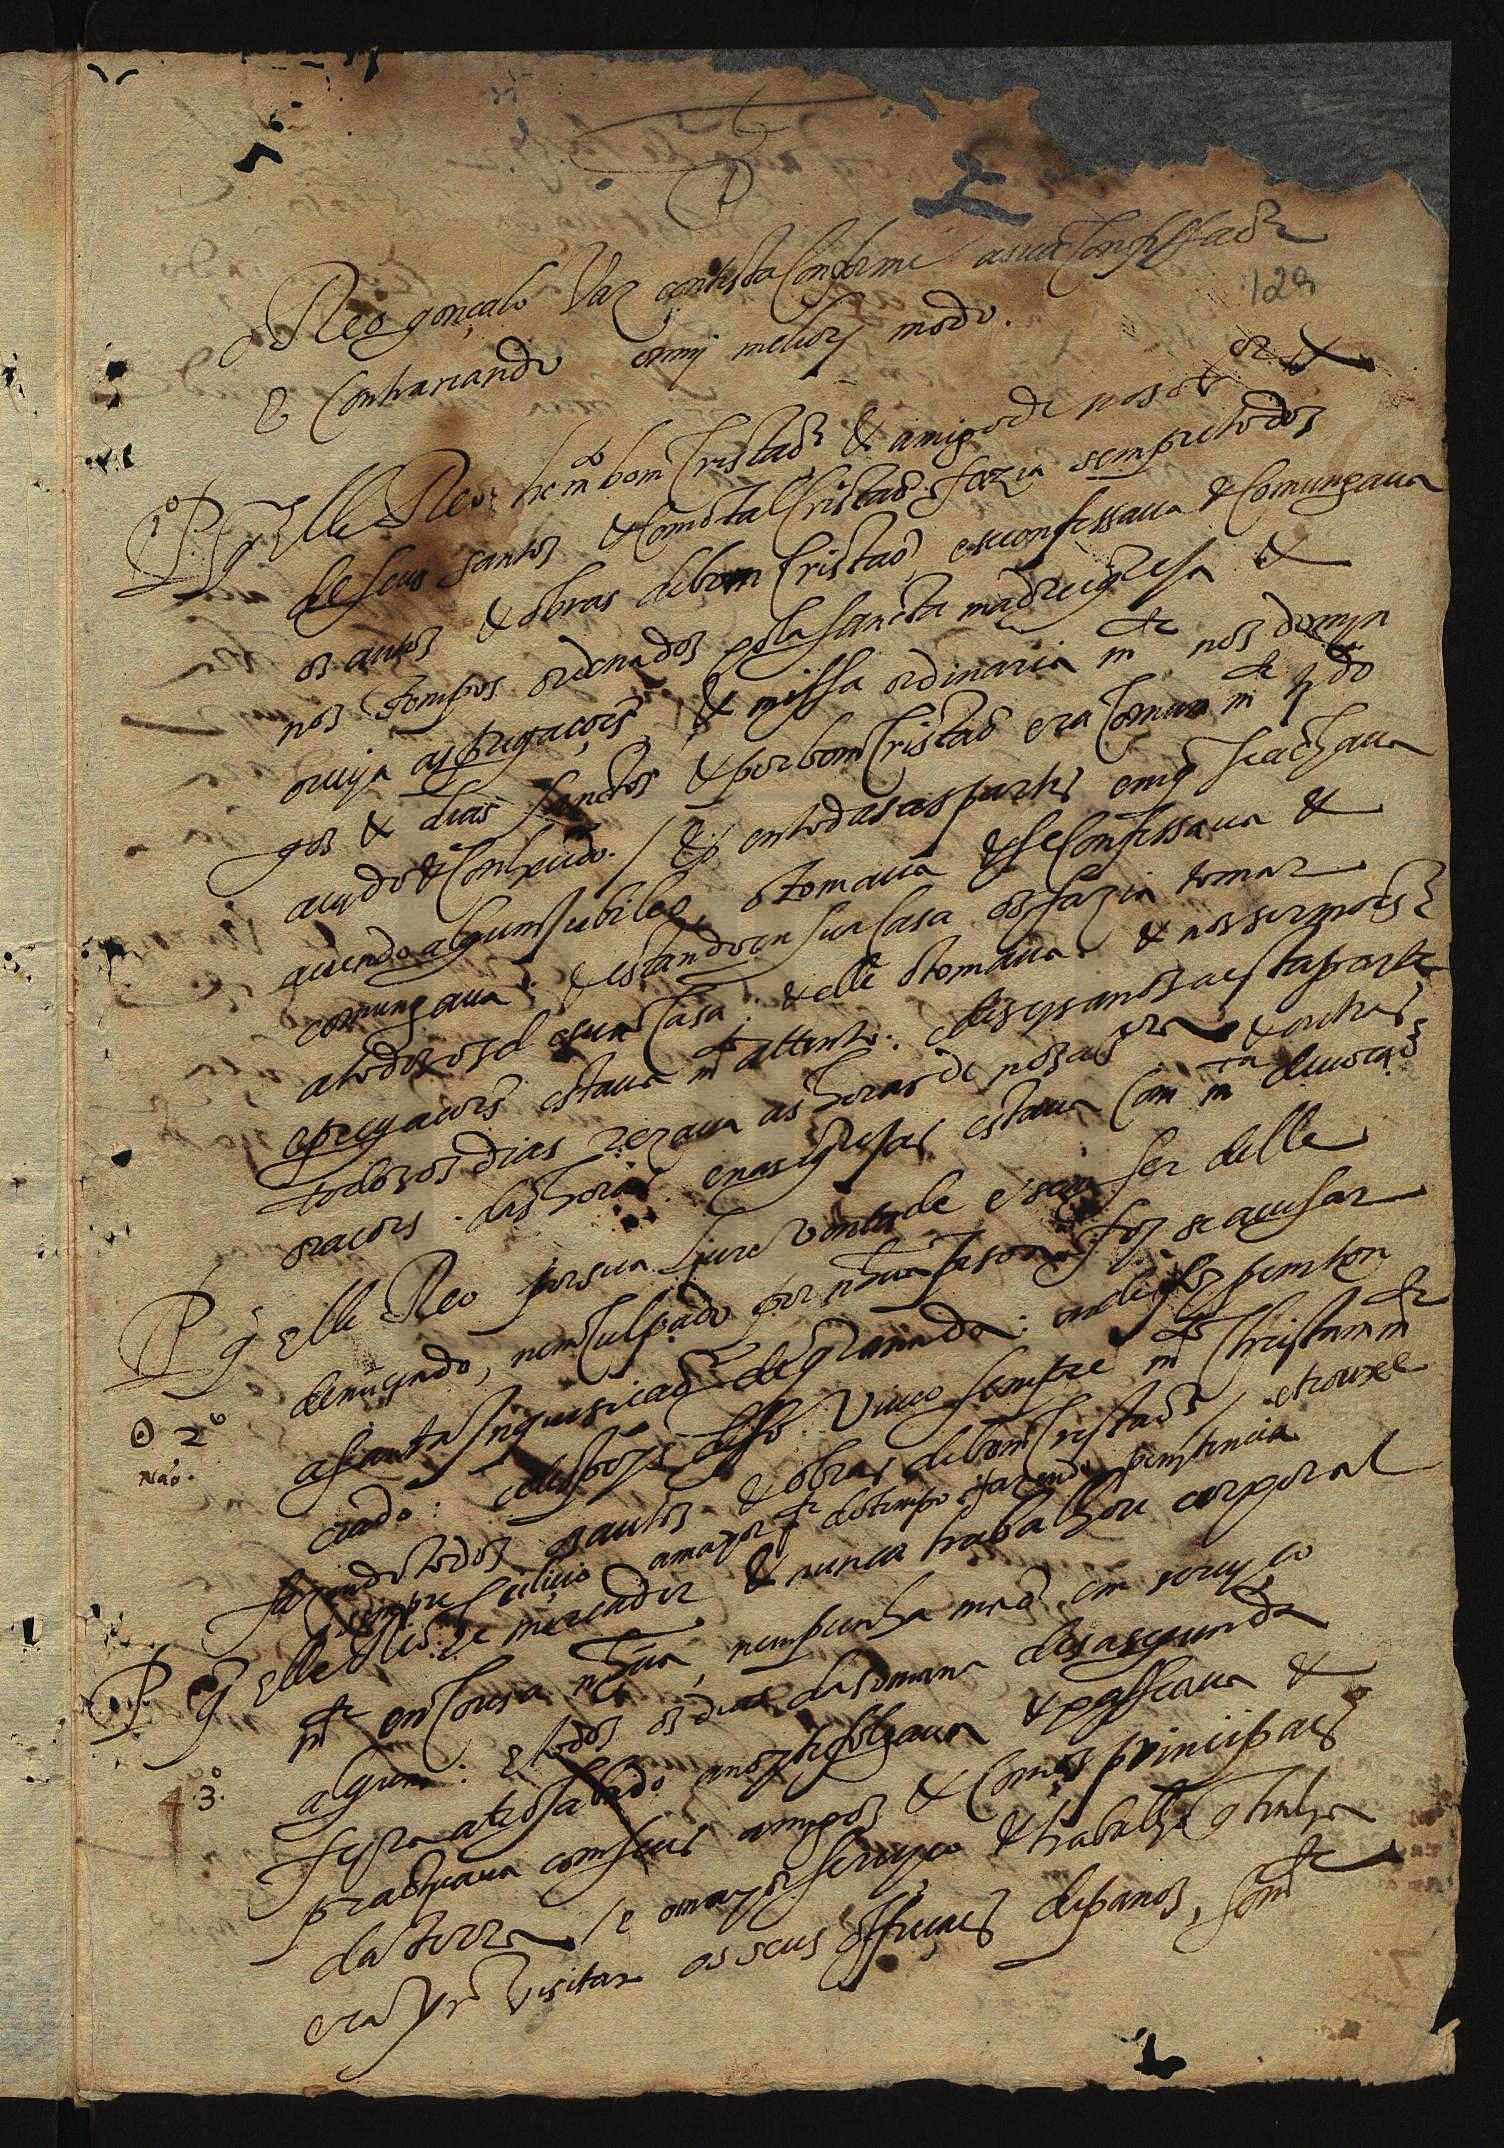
a Reo gonçalo Vaz contesta Conforme a sua Confissaõ
E Contrariando omnj melioris modo.
1o
P. q̄ Elle Reo he mto bom Cristaõ & amigo de noso Sor &
de seus santos & como tal Cristaõ fazia sempre todos
os autos & obras de bom Cristaõ se confessaua & Comungaua
nos tempos ordenados pola Sancta madre igreja &
ouuja as pregaçoīs & missa ordinariamte nos domjn
gos & dias sanctos & por bom Cristaõ era Comummte tjdo
auido & Conhecido./ & em todas as partes em q̄ se achaua
auendo algum Jubileo, o tomaua & se Confessaua &
comungaua & estando em sua casa os fazia tomar
a todos os de sua Casa; & elle o tomaua. & aos sermões
e pregaoes̄ estaua mto attento: e de seis anos a esta parte
todos os dias rezaua as horas de nosa sra & outras
oracois das horas e nas igrejas estaua com mta deuocaõ
P. q̄ Elle Reo por sua Liure vontade e sem ser delle
denūciado, nem Culpado por nh̄ua pesoa foj se acusar
a santa Jnquisicaõ de granada: onde foy peniten
ciado: e despojs disso uiueo sempre mto Christammte
O 2o
Não.
fazendo todos os autos & obras de bom Cristaõ / e trouxe
sempre aliuio a mayor pte do tempo fazendo penitencia
P. q̄ Elle Reo he mercador & nunca trabalhou corporal
mte en Cousa nhūa, nem punha maõ em seruyço
algum: e todos os dias da somana des a segunda
3.o
fejra ate o sabado a nojte folgaua & passaua &
practicaua com seus amigos & Com os principaes
da terra se o mayor seruyco & trabalho q̄ tinha
era yr visitar os seus officiaes de panos, somte
